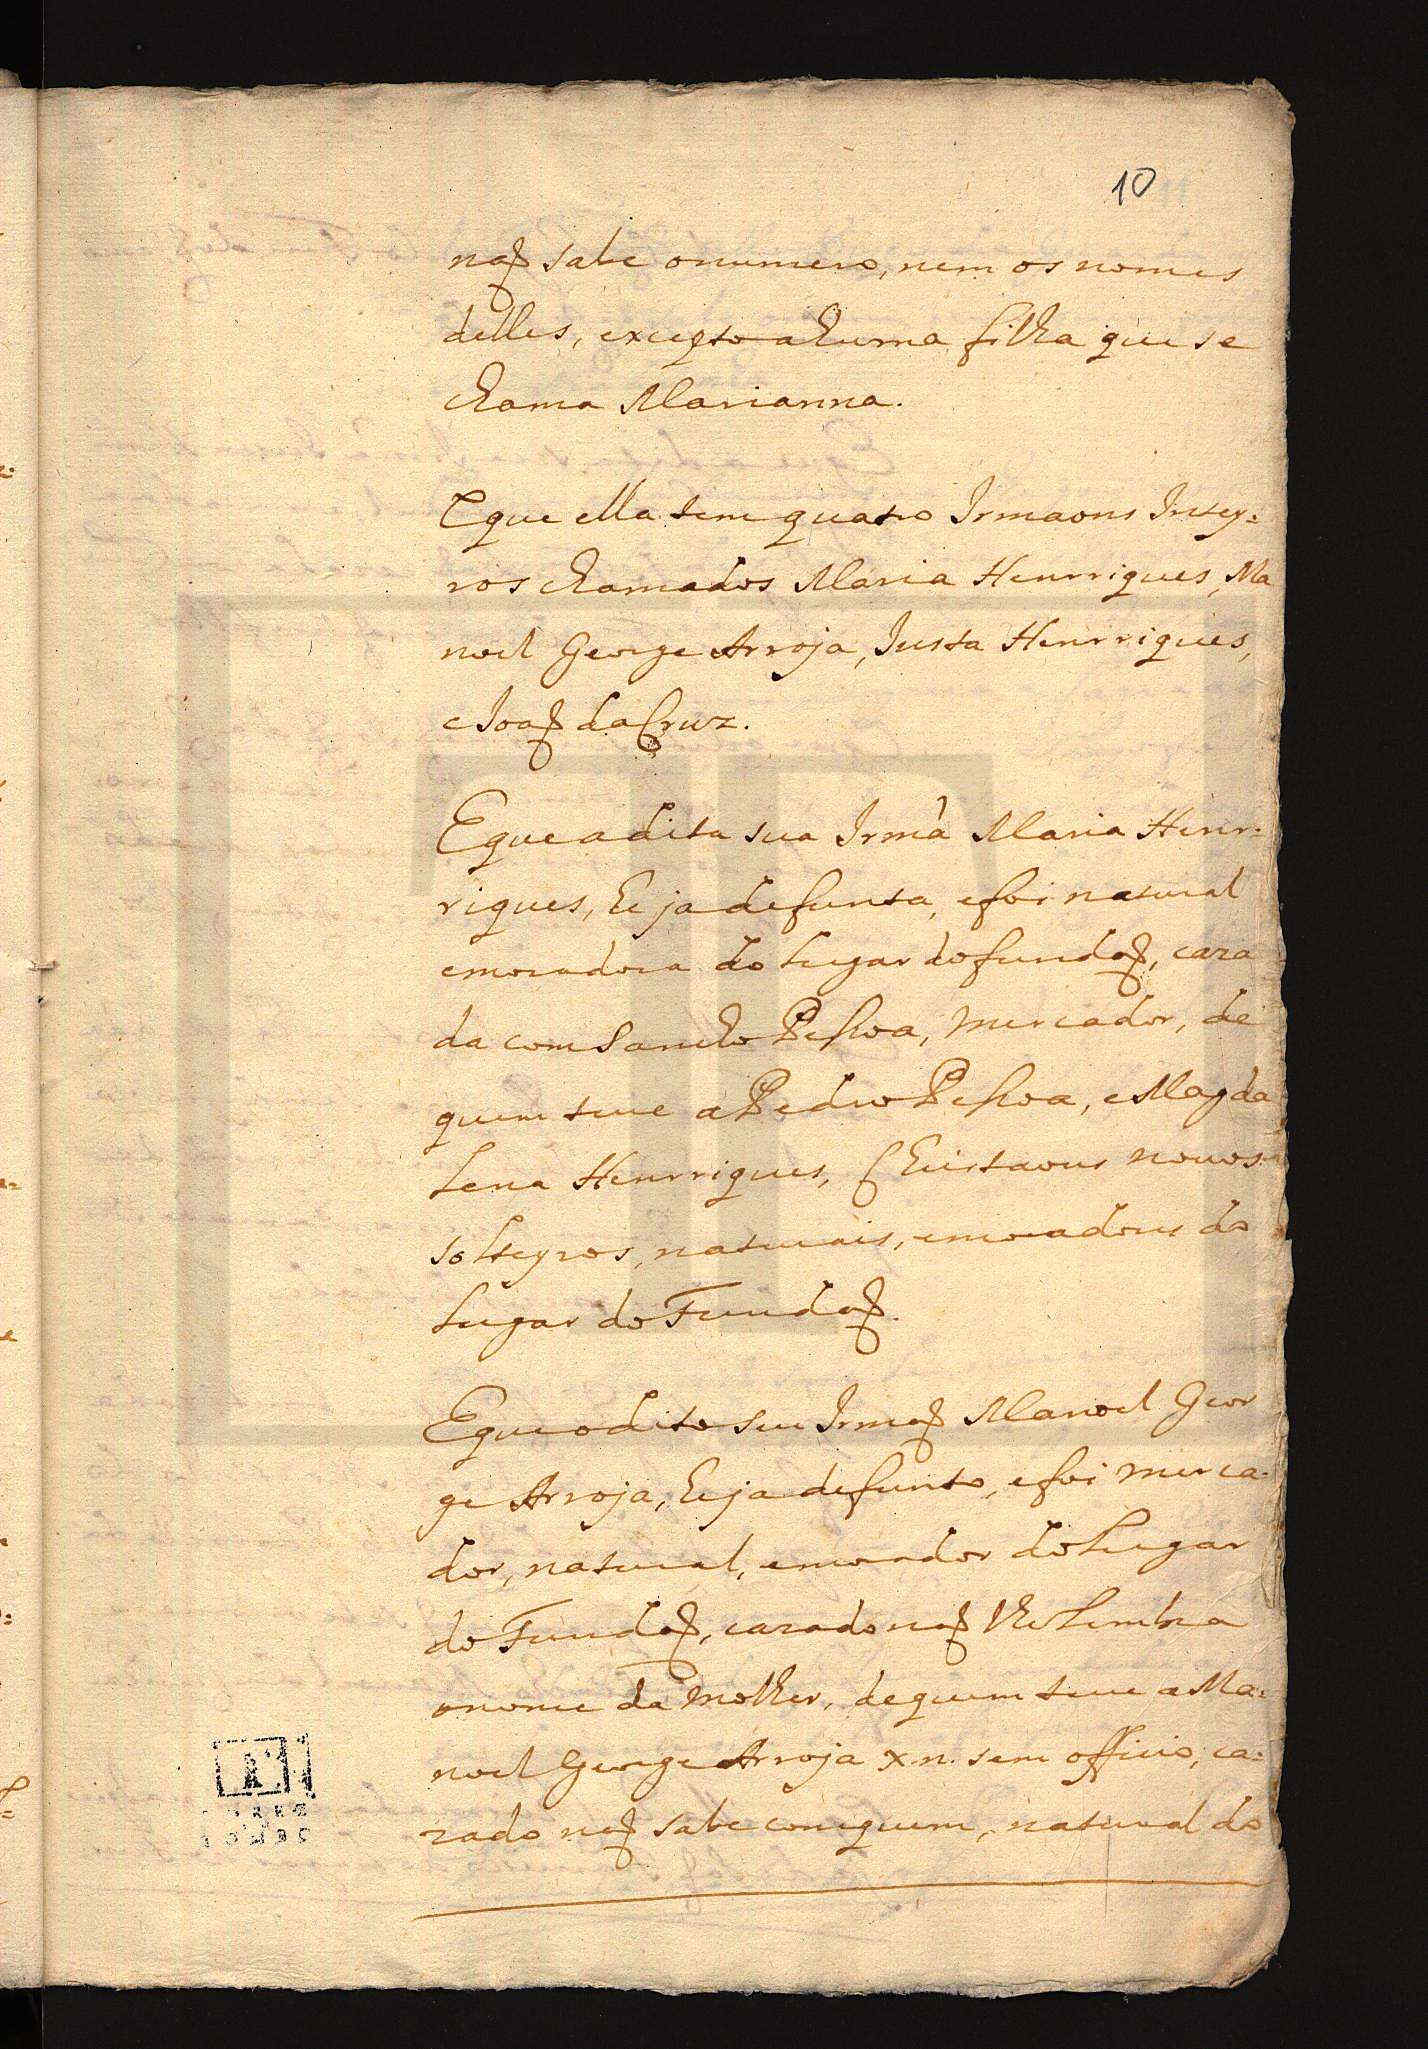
naõ sabe o numero nem os nomes
delles, excepto a huma filha que se
chama Marianna.
E que ella tem quatro Irmaons Intey
ros chamados Maria Henrriques, Ma
noel George Arroja, Iusta Henrriques,
e Ioaõ da Cruz.
E que a dita sua Irmã Maria Henr
riques, he ja defunta, e foi natural
e moradora do lugar do fundaõ, caza
da com Sancho Pessoa, mercador, de
quem teue a Pedro Pessoa, e Magda
Lena Henrriques, Chistaons nouos
solteyros, naturais, e moradores do
Lugar do Fundaõ.
E que o dito seu Irmaõ Manoel Geor
ge Arroja, he ja defunto, e foi merca
dor, natural, e morador do Lugar
do Fundaõ, cazado naõ lhe Lembra
o nome da molher, de quem teue a Ma
noel George Arroja x. n. sem officio, ca
zado naõ sabe com quem, natural do
